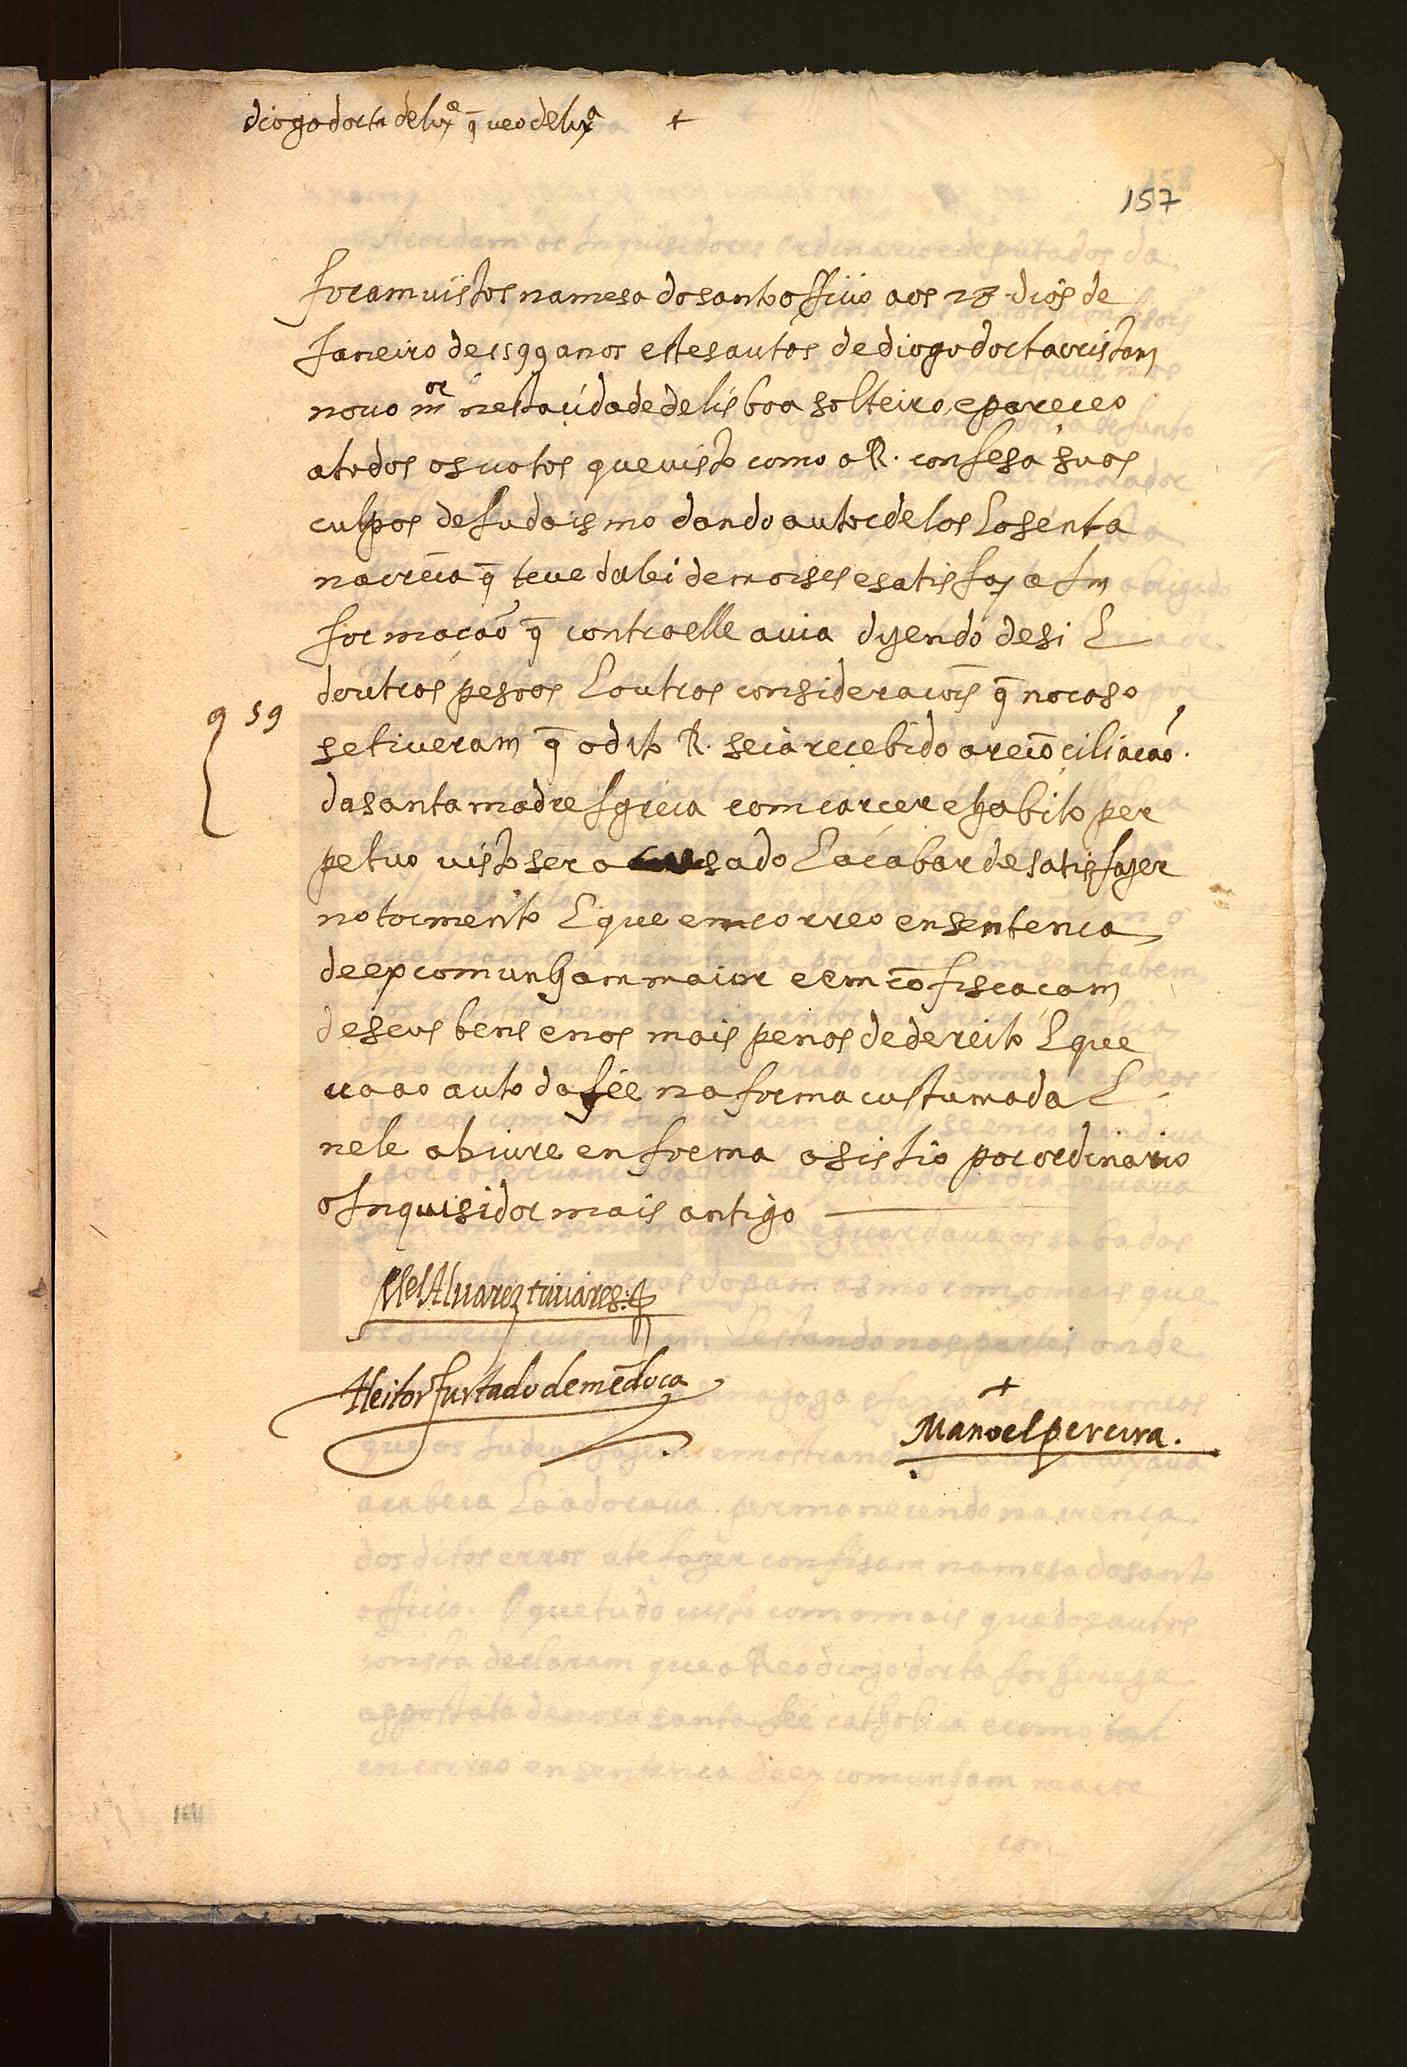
foram vistos na mesa do santo officio aos 28 dias de
Janeiro de 1599 anos estes autos de diogo dorta cristans
novo mor nesta çidade de lisboa solteiro, e pareçeo
a todos os votos que visto como o R. confesa suas
culpas de Judaismo dando autos delas e asenta
na crēca q̄ teve da lei de moises satisfaz a Jm
formaçaõ q̄ contra elle avia dizendo de si e
doutras pesoas e outras consideraçõis q̄ no caso
se tiveram q̄ o dito R. seia reçebido a recōçiliacaõ
da santa madre Jgreia com carçere e habito per
petuo visto ser acusado e acabar de satisfazer
no tormento e que emcorreo en sentenca
de excomunham maior e em cōfiscaçam
de seus bens e nas mais penas de dereito e que
va ao auto da fée na forma custumada e
nele abiure en forma asistio por ordinario
o Jnquisidor mais antigo
